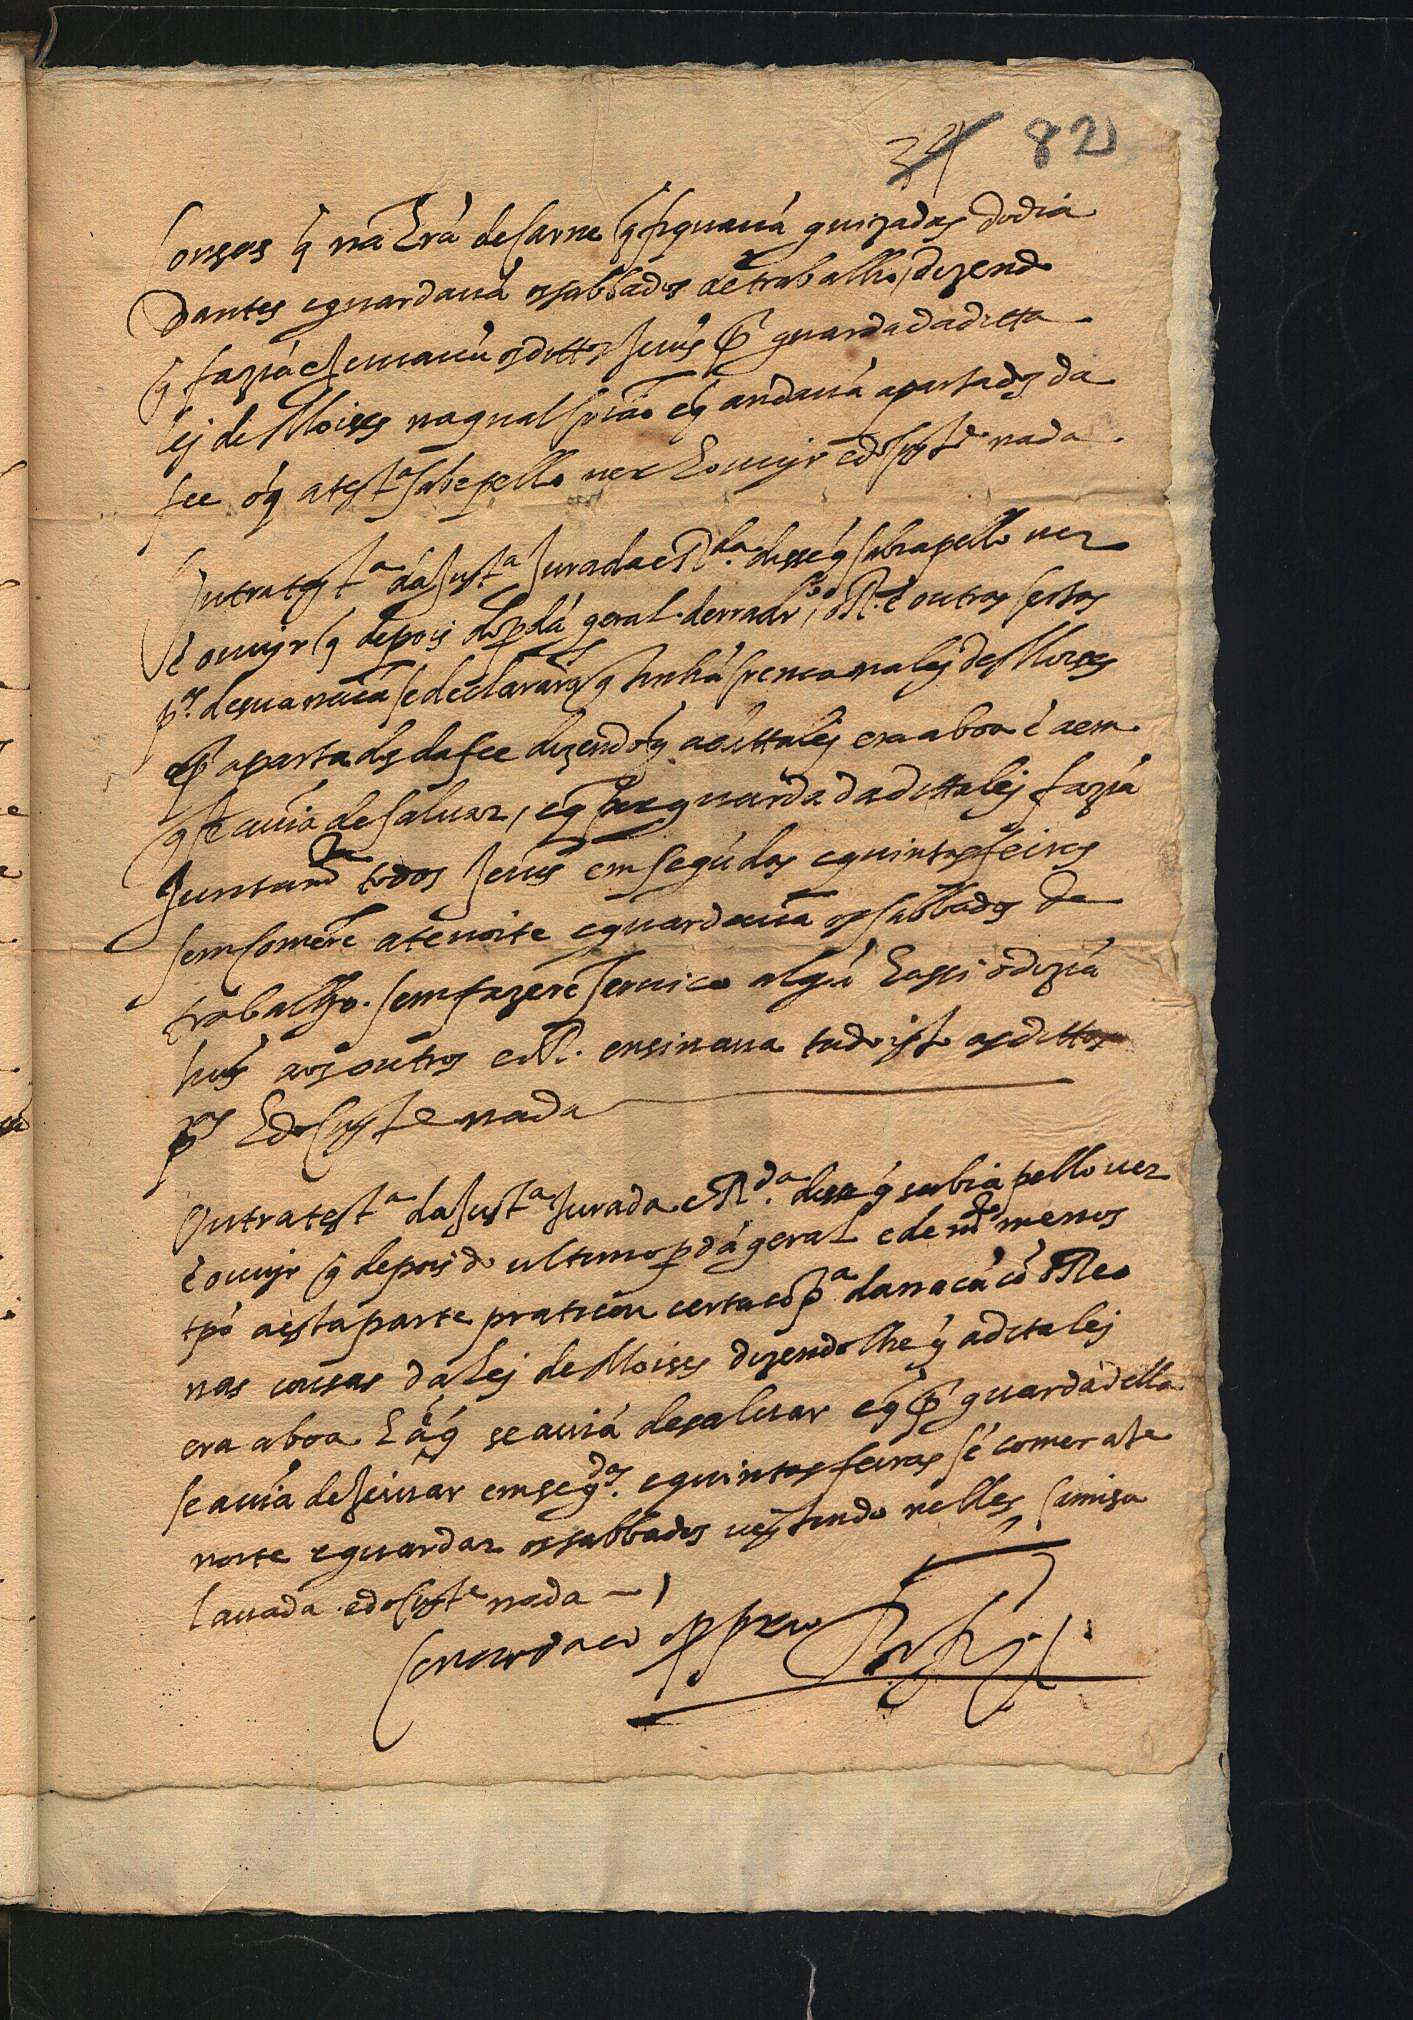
Cousas q̄ nā Erā de Carne q̄ fiquauā guizadas do dia
dantes e guardauā os sabbados de trabalho, dizendo
q̄ fazia e Jeiuauā os dittos Jeiūs p̄ guarda da ditta
lej de Moises na qual Crião e q̄ andauā apartados da
fee o q̄ a testa sabe pello uer E ouujr e do Custe nada
Outra testa da Justa Jurada e Rd.a disse q̄ sabia pello uer
e ouujr q̄ depois do ꝑdā geraL derradro, o R. e outras Certas
pas. de sua naçā se declararā q̄ tinhā Crença na lej de Moises
_ p̄ apartadas da fee dizendo q̄ a ditta lej era a boa e a em
q̄ se auiā de saluar, e q̄ por guarda da ditta lej faziā
Juntamte todos Jeiūs em segūdas e quintas feiras
Sem Comerē ate noite e guardauā os sabbados de
trabalho. sem fazerē seruiço algū E assi o diziā
hus̄ aos outros e o R. ensinaua tudo isto as dittas
pas E do Custe nada
Outra testa da Justa Jurada e R.da disse q̄ sabia pello uer
e ouujr q̄ depois do ultimo ꝑdā geraL e de mto menos
tpō a esta parte praticou certa cōpa da naçā cō o Reo
nas cousas da Lej de Moises dizendolhe q̄ a dita lej
era a boa E a ē q̄ se auiā de saluar e q̄ p̄ guarda della
se auiā de Jeiuar em segdas. e quintas feiras sē comer ate
noite e guardar os sabbados uestindo nelles Camisa
lauada. e do Custe nada -
Concorda cō o ꝓprio
Br frz̄.
